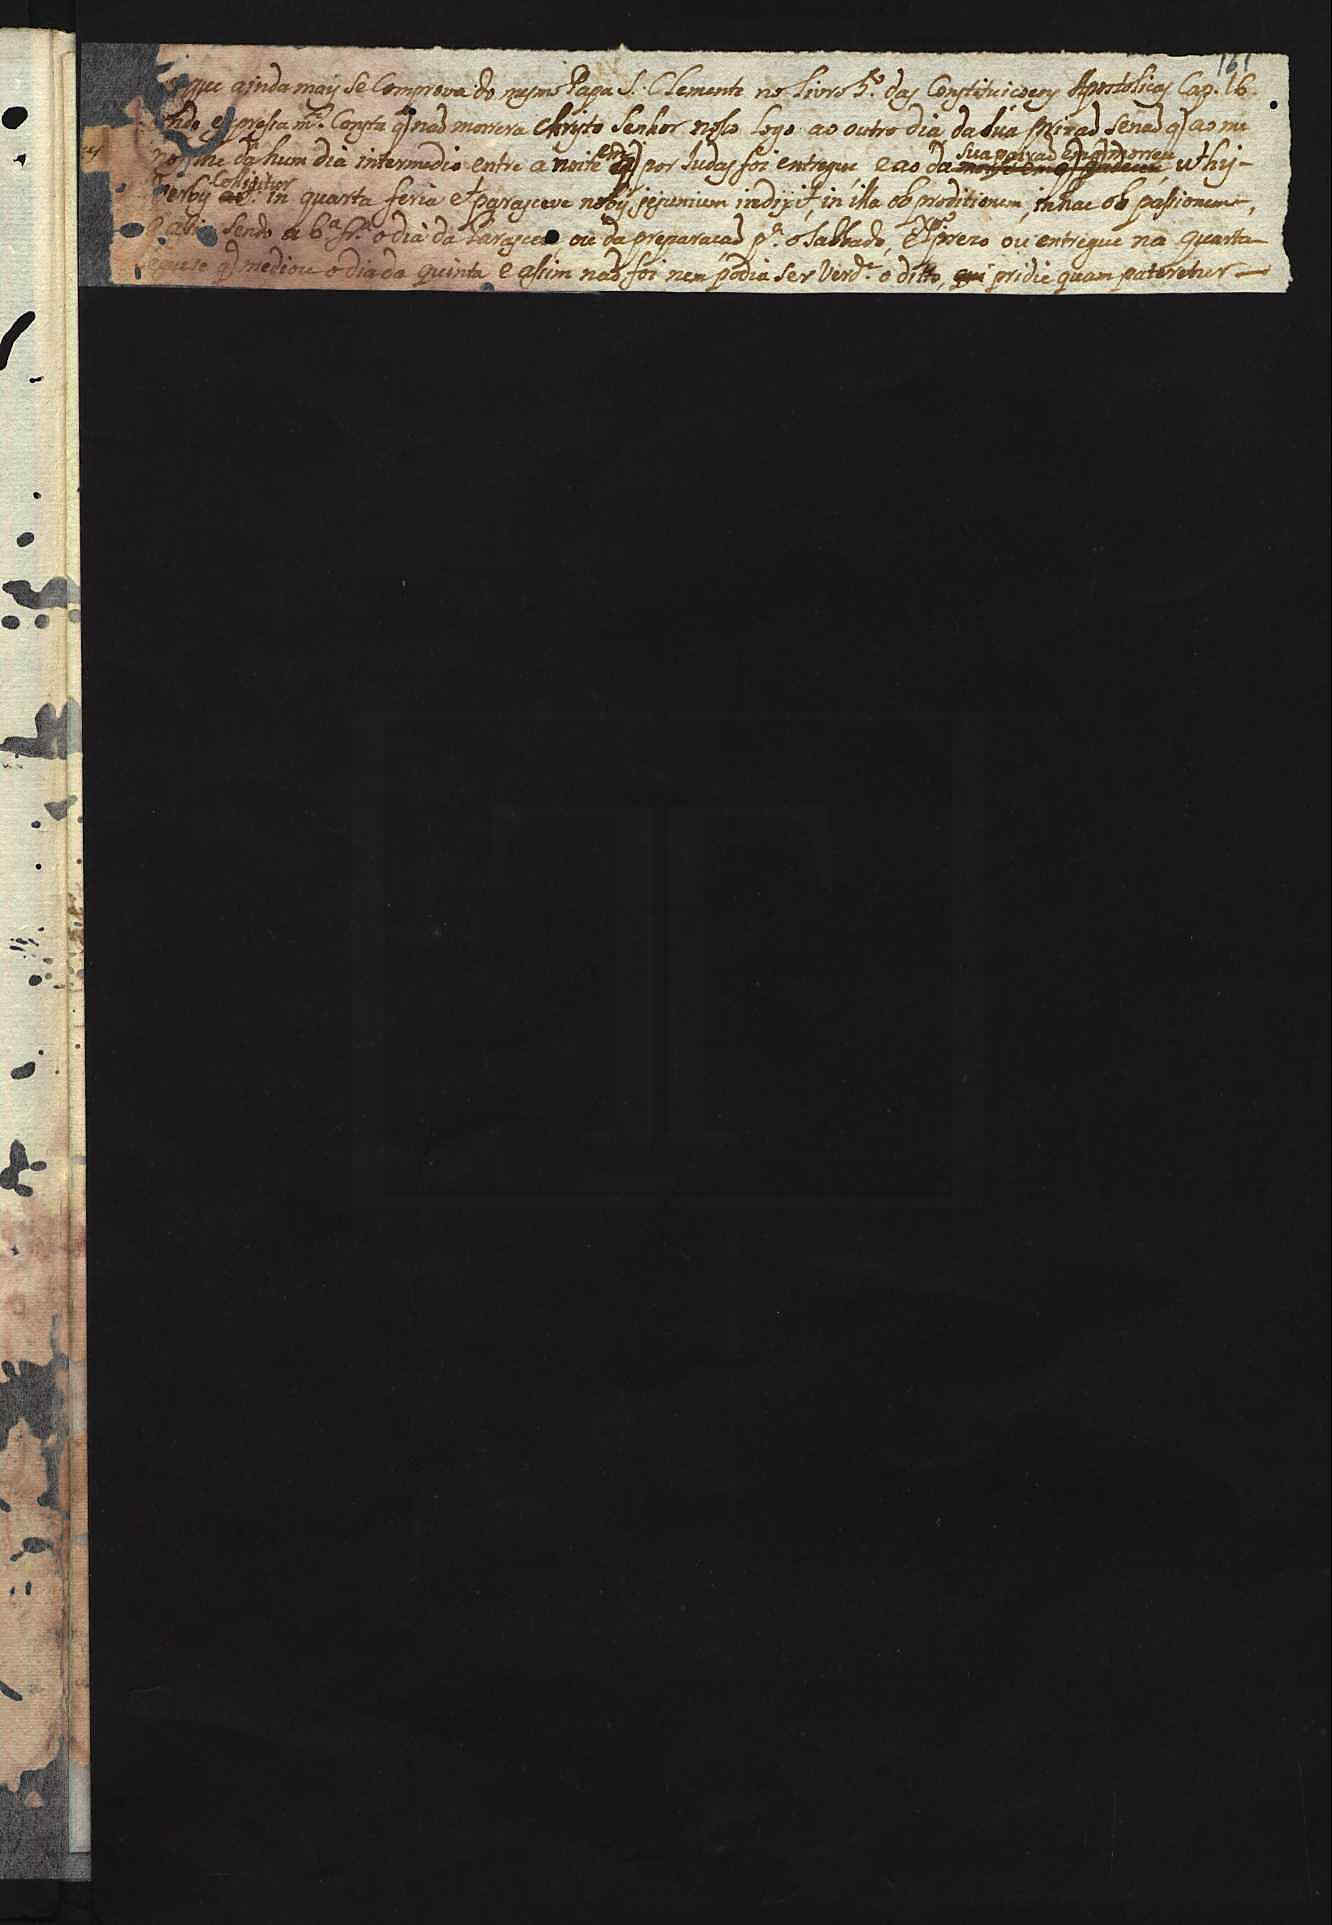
o que ainda mais se Comprova do mesmo Papa S. Clemente no livro 5.o das Constituiçoens Apostolicas Cap. 16
ndo e_pressam.te Consta q̄ naõ morrera Christo Senhor nosso logo ao outro dia da Sua prizaõ senaõ q̄ ao me
nos __ da hum dia intermedio entre a noite q̄ por Judas foi entregue, e ao da
sua paixaõ em q̄ morreu
ut his
uerbis Colligitior
in quarta feria et parasceve nobis jejunium indixit, in illa ob proditionem, in hac ob passionem,
E asi_ sendo a 6a fr.a o dia da Parasce_, ou da preparaçaõ p.a o sabbado e prezo ou entregue na quarta
seguese q̄ mediou o dia da quinta, e assim naõ foi nem podia ser verd.e o ditto qui pridie quam pateretur
